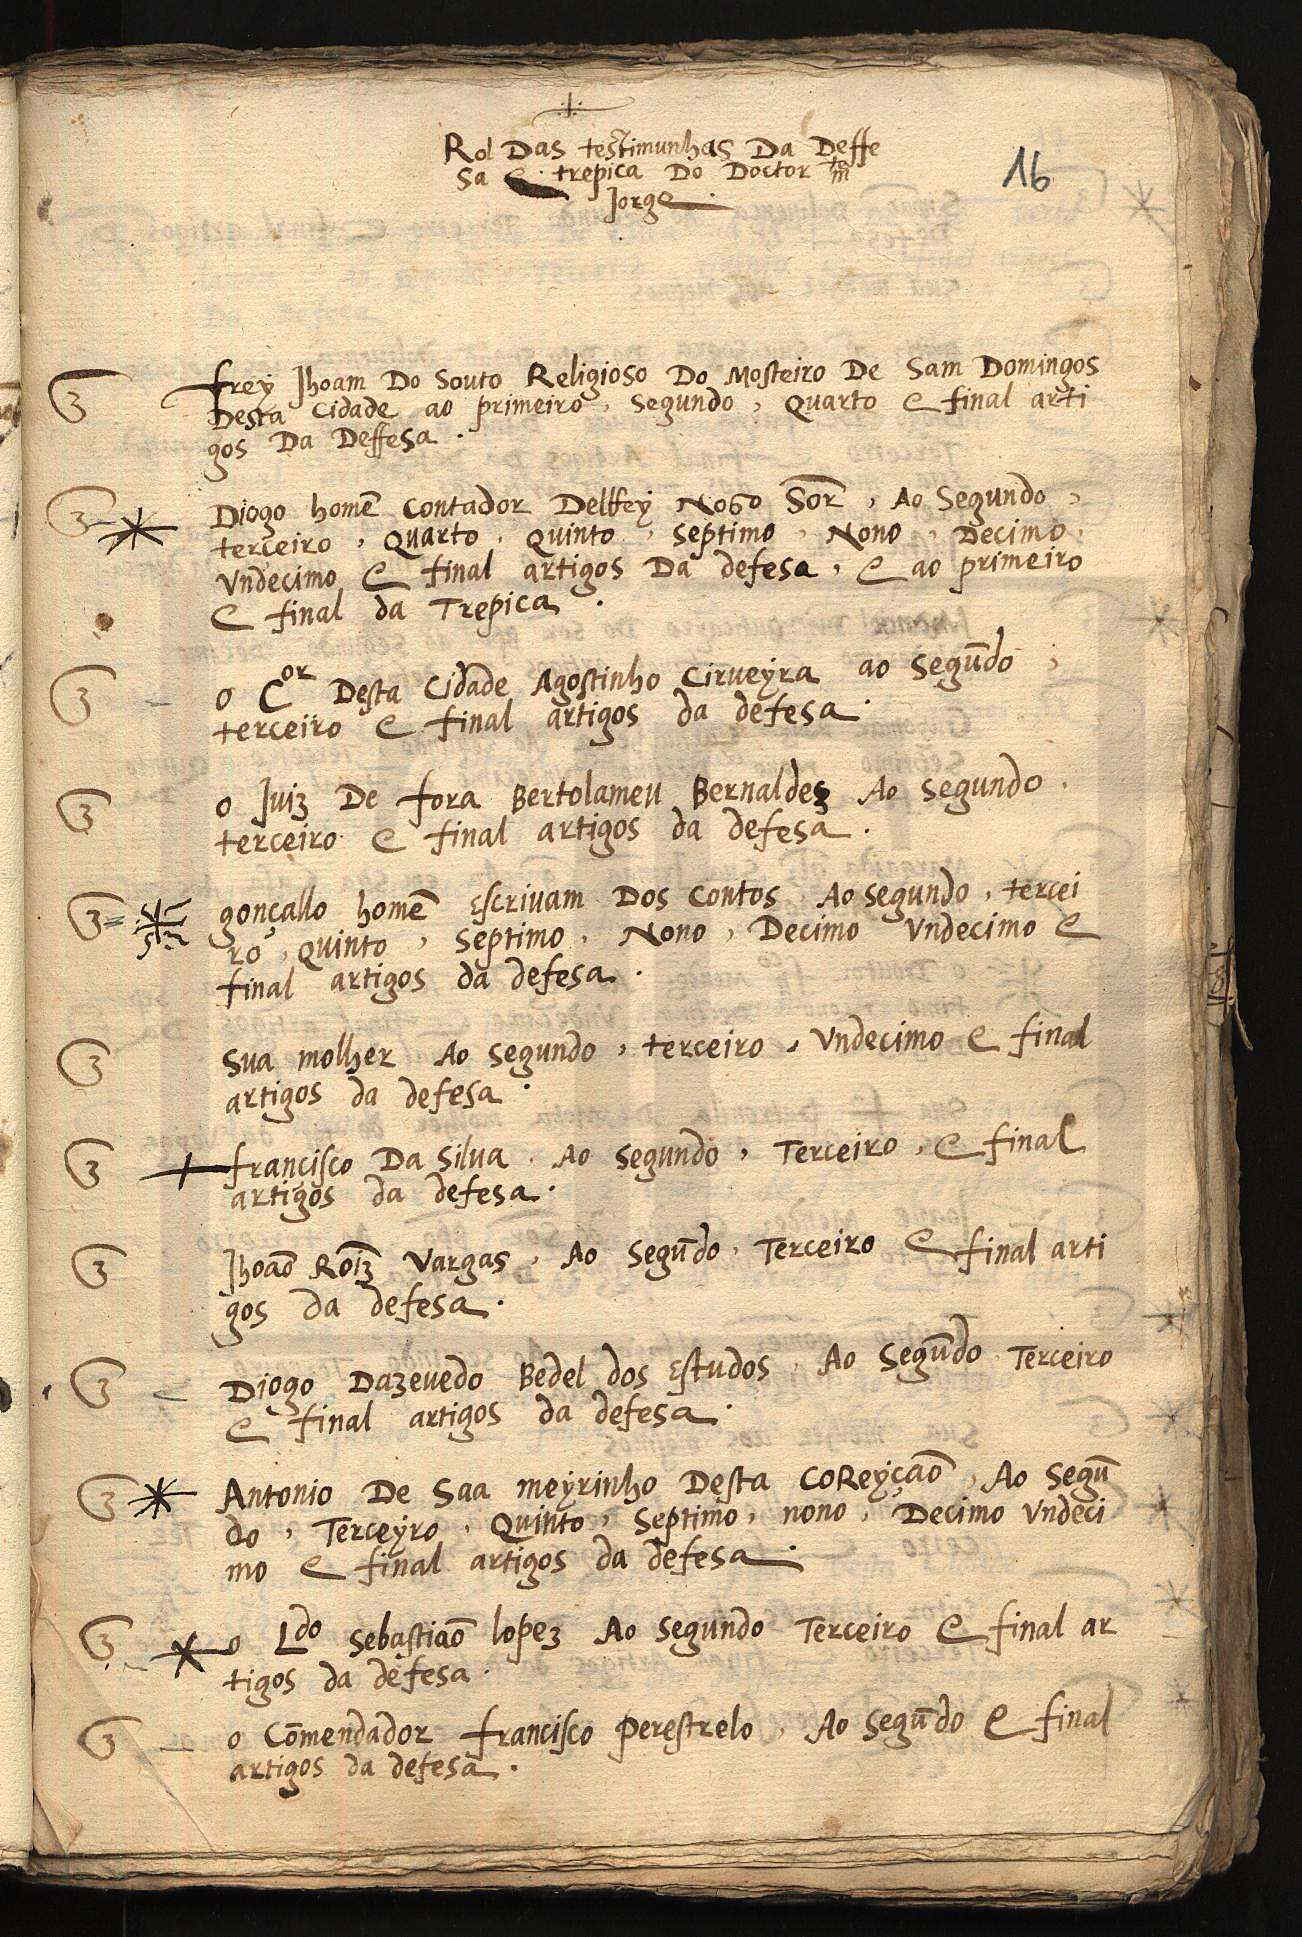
Rol Das testimunhas Da Deffe
sa e trepica Do Doctor mte
Jorge
frey Jhoam Do Souto Religioso Do Mosteiro De Sam Domingos
Desta cidade ao primeiro, segundo, Quarto e final arti
gos Da Deffesa.
Diogo home̅ contador Del Rey Noso S̅or, Ao Segundo
terceiro, Quarto, Quinto, septimo, Nono, Decimo,
Vndecimo e final artigos Da defesa, e ao primeiro
e final da Trepica
o Cor Desta Cidade Agostinho Cirueyra ao Segu̅do
terceiro e final artigos da defesa
o Juiz De fora Bertolameu Bernaldez Ao segundo
terceiro, e final artigos da defesa
gonçallo home̅ Escriuam Dos contos Ao segundo, tercei
ro, Quinto, Septimo, Nono, Decimo Vndecimo e
final artigos da defesa
Sua molher Ao Segundo, terceiro, Vndecimo e final
artigos da defesa
francisco Da Silva, Ao Segundo, Terceiro, e final
artigos da defesa
Jhoão Ro̅iz Vargas, Ao Segu̅do, Terceiro e final arti
gos da defesa
Diogo Dazeuedo Bedel dos Estudos, Ao Segu̅do Terceiro
e final artigos da defesa
Antonio De Saa meyrinho Desta CoReyção, Ao Segu̅
do, Terceyro, Quinto, Septimo, nono, Decimo Vndeci
mo e final artigos da defesa.
o Ldo sebastião lopez Ao Segundo Terceiro e final ar
tigos da defesa
O Co̅mendador francisco Perestrelo, Ao Segu̅do e final
artigos da defesa
